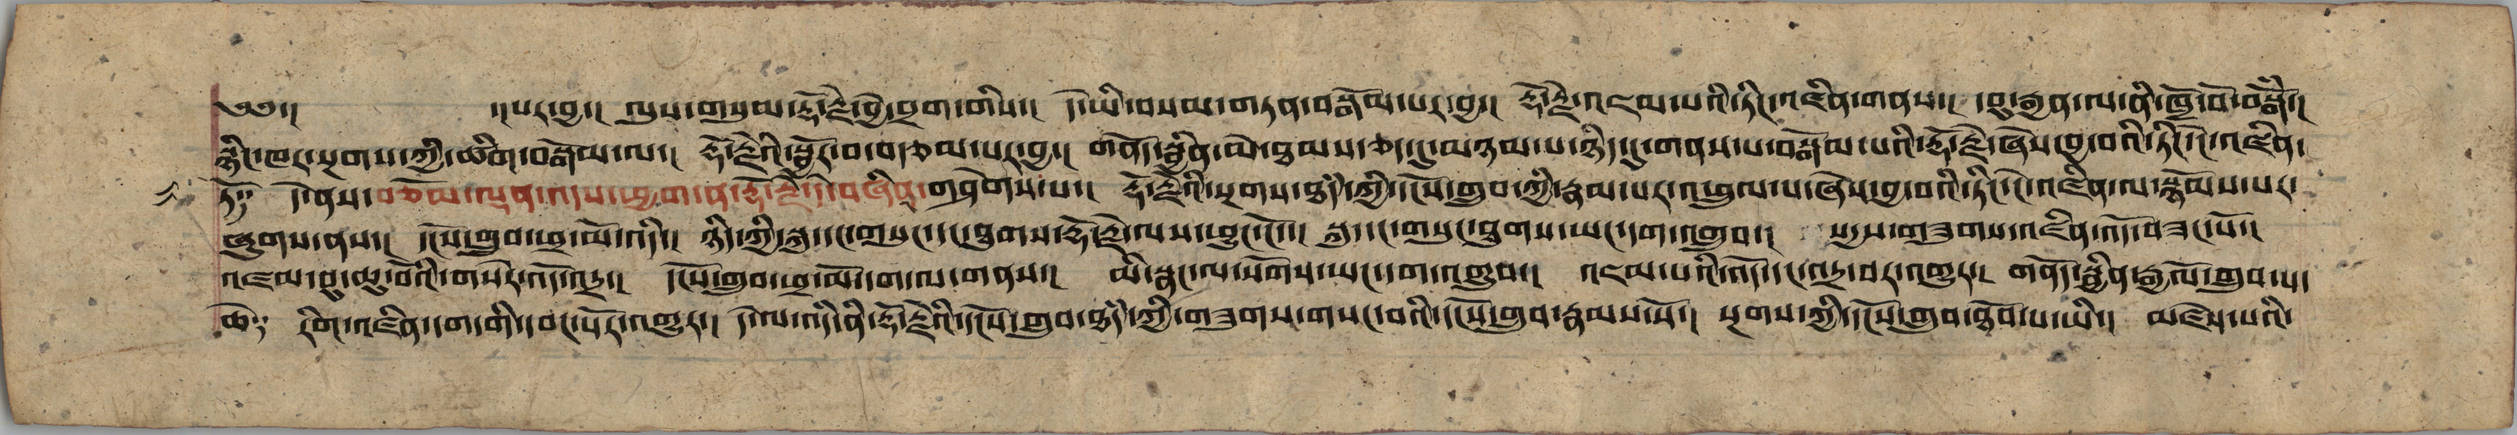༄༅་། ་།པར་བྱ་། ལུས་གསུམ་རྡོ་རྗེ་བྱེ་བྲག་གིས་། དེ་ཡི་བསམ་གཏན་བསྒོམ་པར་བྱ་། རྡོ་རྗེ་འཇམ་པའི་ཏིང་འཛིན་གནས་། དབུ་རྒྱན་ལ་ནི་ཁྲོ་བོ་བསྒོཾ་།
སྙིང་ཁར་སྔགས་ཀྱི་ཚིག་བསྒོམ་ལ་། རྡོ་རྗེའི་སྦྱོར་བ་བརྩམ་པར་བྱ་། གནོད་སྦྱིན་མེ་ཐམས་ཅད་དུ་མཉམ་པ་ཉིད་དུ་གནས་པ་བསྒོམ་པའི་རྡོ་རྗེ་ཞེས་བྱ་བའི་ཏིང་ངེ་འཛིན་
ཏོ༑ དེ་ནས་བཅོམ་ལྡན་འདས་ཕྱག་ན་རྡོ་རྗེ་དེ་བཞིན་གཤེགས་པ་། རྡོ་རྗེའི་སྔགས་ཐདཾ་ཀྱི་དངོས་གྲུབ་ཀྱི་རྣམ་པར་འཕྲུལ་པ་ཞེས་བྱ་བའི་ཏིང་ངེ་འཛིན་ལ་སྙོམས་པར་
ཞུགས་ནས་། དངོས་གྲུབ་ཕྲ་མོ་འདི་། ཉིད་ཀྱི་སྐུ་དང་གསུང་དང་ཐུགས་རྡོ་རྗེ་ལས་ཕྱུང་ངོ་་། སྐུ་དང་གསུང་དང་ཐུགས་ཡང་དག་འགྲུབ་། སདྱས་གཟུགས་འཛིན་འོད་བཟང་པོ་།
འཛམ་བུ་ཆུ་བོའི་གསེར་འོད་འདྲ་། དངོས་གྲུབ་ཕྲ་མོ་དག་ལ་གནས་། མི་སྣང་ལ་སོགས་ཡང་དག་འགྲུབ་། འཇམ་པའི་འོད་དང་འདྲ་བར་འགྱུར་། གནོད་སྦྱིན་རྒྱལོ་གྲུབ་པ་
ཆེ༑ རིག་འཛིན་དག་གི་དབང་པོར་འགྱུར་། དེ་ལ་འདི་ནི་རྡོ་རྗེའི་དངོས་གྲུབ་ཐདཾ་ཀྱི་གཟུགས་གསང་བའི་དངོས་གྲུབ་རྣམས་སོ་། སྔགས་ཀྱི་དངོས་གྲུབ་ཐོབ་པ་ཡི་། མཛེས་པའི་